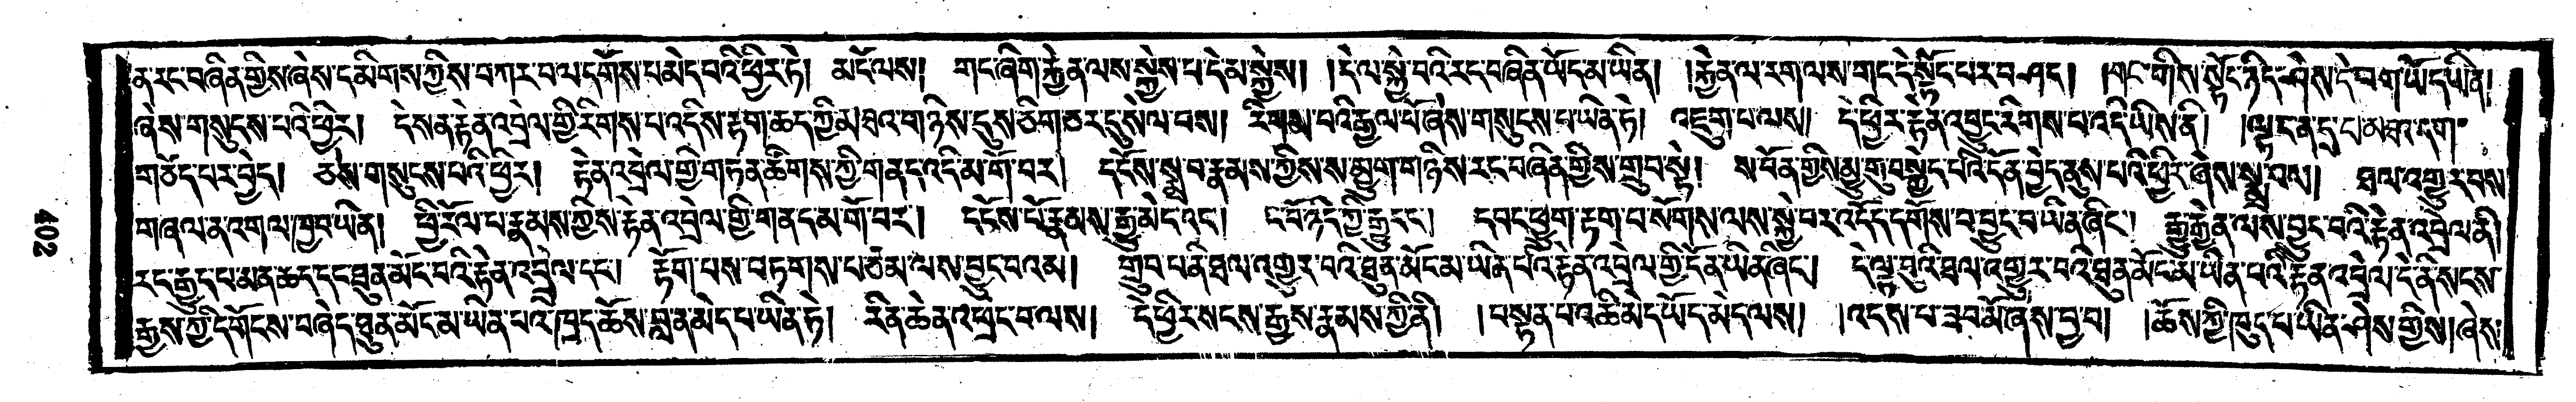ན་རང་བཞིན་གྱིས་ཞེས་དམིགས་ཀྱིས་བཀར་བ་ལ་དགོས་པ་མེད་པའི་ཕྱིར་ཏེ། མདོ་ལས། གང་ཞིག་རྐྱེན་ལས་སྐྱེས་པ་དེ་མ་སྐྱེས། །དེ་ལ་སྐྱེ་བའི་རང་བཞིན་ཡོད་མ་ཡིན། །རྐྱེན་ལ་རག་ལས་གང་དེ་སྟོང་པར་བཤད། །གང་གིས་སྟོང་ཉིད་ཤེས་དེ་བག་ཡོད་ཡིན།
ཞེས་གསུངས་པའི་ཕྱིར། དེས་ན་རྟེན་འབྲེལ་གྱི་རིགས་པ་འདིས་རྟག་ཆད་ཀྱི་མཐའ་གཉིས་དུས་ཅིག་ཅར་དུ་སེལ་བས། རིགས་པའི་རྒྱལ་པོ་ཞེས་གསུངས་པ་ཡིན་ཏེ། འཇུག་པ་ལས། དེ་ཕྱིར་རྟེན་འབྱུང་རིགས་པ་འདི་ཡིས་ནི། །ལྟང་ན་དྲ་པ་མཐའ་དག་
གཅོད་པར་བྱེད། ཅེས་གསུངས་པའི་ཕྱིར། །རྟེན་འབྲེལ་གྱི་གཏན་ཚིགས་ཀྱི་གནད་འདི་མ་གོ་བར། དངོས་སྨྲ་བ་རྣམས་ཀྱིས་ས་མྱུག་གཉིས་རང་བཞིན་གྱིས་གྲུབ་སྟེ། ས་བོན་གྱིས་མྱུ་གུ་བསྐྱེད་པའི་དོན་བྱེད་ནུས་པའི་ཕྱིར་ཞེས་སྨྲ་བ་ལ། ཐལ་འགྱུར་བས་
གཞལ་ན་འགལ་ཁྱབ་ཡིན། ཕྱི་རོལ་པ་རྣམས་ཀྱིས་རྟེན་འབྲེལ་གྱི་གནད་མ་གོ་བར། དངོས་པོ་རྣམས་རྒྱུ་མེད་འང་། ངོ་བོ་ཉིད་ཀྱི་རྒྱུ་དང་། དབང་ཕྱུག་རྟག་བ་སོགས་ལས་སྐྱེ་བར་འདོད་དགོས་བ་བྱུང་བ་ཡིན་ཞིང་། རྒྱུ་རྐྱེན་ལས་བྱུང་བའི་རྟེན་འབྲེལ་ནི།
རང་རྒྱུད་པ་མན་ཆད་དང་ཐུན་མོང་བའི་རྟེན་འབྲེལ་དང་། རྟོག་པས་བཏགས་པ་ཙམ་ལས་བྱུང་བའམ། གྲུབ་པ་ནི་ཐལ་འགྱུར་བའི་ཐུན་མོང་མ་ཡིན་པའི་རྟེན་འབྲེལ་གྱི་དོན་ཡིན་ཞིང་། དེ་ལྟ་བུའི་ཐལ་འགྱུར་བའི་ཐུན་མོང་མ་ཡིན་པའི་རྟེན་འབྲེལ་དེ་ནི་སངས་
རྒྱས་ཀྱི་དགོངས་བཞེད་ཐུན་མོང་མ་ཡིན་པའི་ཁྲད་ཆོས་བླ་ན་མེད་པ་ཡིན་ཏེ། རིན་ཆེན་འཕྲེང་བ་ལས། དེ་ཕྱིར་སངས་རྒྱས་རྣམས་ཀྱི་ནི། །བསྟན་པ་འཆི་མེད་ཡོད་མེད་ལས། །འདས་པ་ཟབ་མོ་ཞེས་བྱ་བ། །ཆོས་ཀྱི་ཁུད་པ་ཡིན་ཤེས་གྱིས། ཞེས་